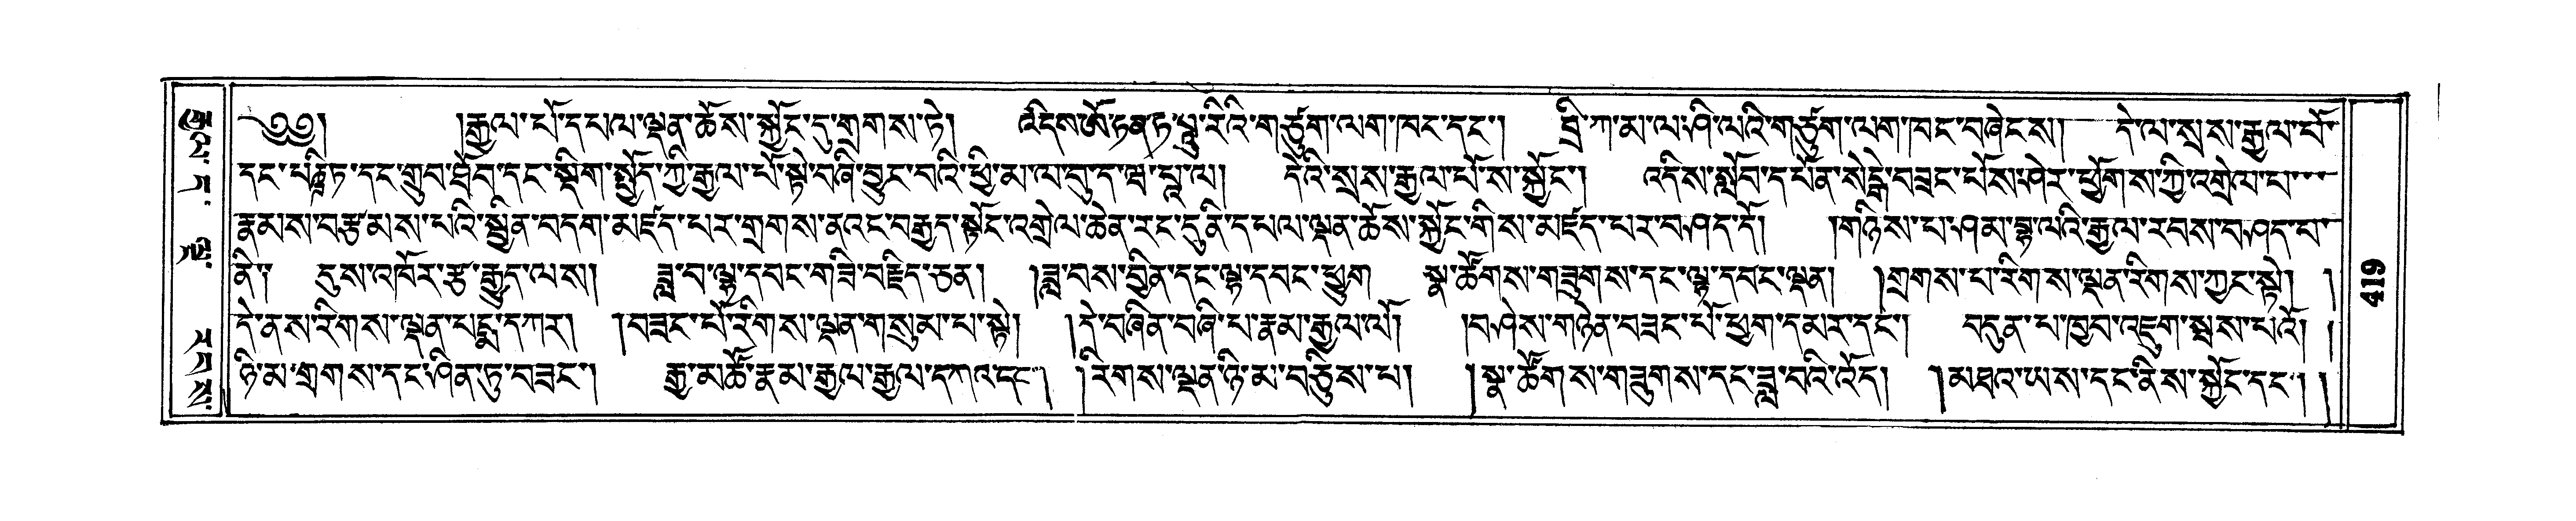༄༅། །རྒྱལ་པོ་དཔལ་ལྡན་ཆོས་སྐྱོང་དུ་གྲགས་ཏེ། འདིས་ཨོ་ཏན་ཏ་པཱུ་རིའི་གཙུག་ལག་ཁང་དང་། བྲི་ཀ་མ་ལ་ཤི་ལའི་གཙུག་ལག་ཁང་བཞེངས། དེ་ལ་སྲས་རྒྱལ་པོ་
དང་པཎྜི་ཏ་དང་གྲུབ་ཐོབ་དང་སྡིག་སྤྱོད་ཀྱི་རྒྱལ་པོ་སྟེ་བཞི་བྱུང་བའི་ཕྱི་མ་ལ་བུ་ད་ཝ་པཱ་ལ། དེའི་སྲས་རྒྱལ་པོ་ས་སྐྱོང་། འདིས་སློབ་དཔོན་སེངྒེ་བཟང་པོས་ཤེར་ཕྱོགས་ཀྱི་འགྲེལ་པ་
རྣམས་བརྩམས་པའི་སྦྱིན་བདག་མཛད་པར་གྲགས་ནའང་བརྒྱད་སྟོང་འགྲེལ་ཆེན་རང་དུ་ནི་དཔལ་ལྡན་ཆོས་སྐྱོང་གིས་མཛད་པར་བཤད་དོ། །གཉིས་པ་ཤམ་བྷ་ལའི་རྒྱལ་རབས་བཤད་པ་
ནི༑ དུས་འཁོར་རྩ་རྒྱུད་ལས། ཟླ་བ་ལྷ་དབང་གཟི་བརྗིད་ཅན། །ཟླ་བས་བྱིན་དང་ལྷ་དབང་ཕྱུག་སྣ་ཚོགས་གཟུགས་དང་ལྷ་དབང་ལྡན། །གྲགས་པ་རིགས་ལྡན་རིགས་ཀྱང་སྟེ། །
དེ་ནས་རིགས་ལྡན་པདམ་དཀར། །བཟང་པོ་རིགས་ལྡན་གསུམ་པ་སྟེ། །དེ་བཞིན་བཞི་པ་རྣམ་རྒྱལ་ལོ། །བཤེས་གཉེན་བཟང་པོ་ཕྱག་དམར་དང་། བདུན་པ་ཁྱབ་འཇུག་སྦས་པའོ།།
ཉི་མ་གྲགས་དང་ཤིན་ཏུ་བཟང་། རྒྱ་མཚོ་རྣམ་རྒྱལ་རྒྱལ་དཀའ་དང་། །རིགས་ལྡན་ཉི་མ་བཅུཨིས་པ། །སྣ་ཚོགས་གཟུགས་དང་ཟླ་བའི་འོད། །མཐའ་ཡས་དང་ནི་ས་སྐྱོང་དང་། །